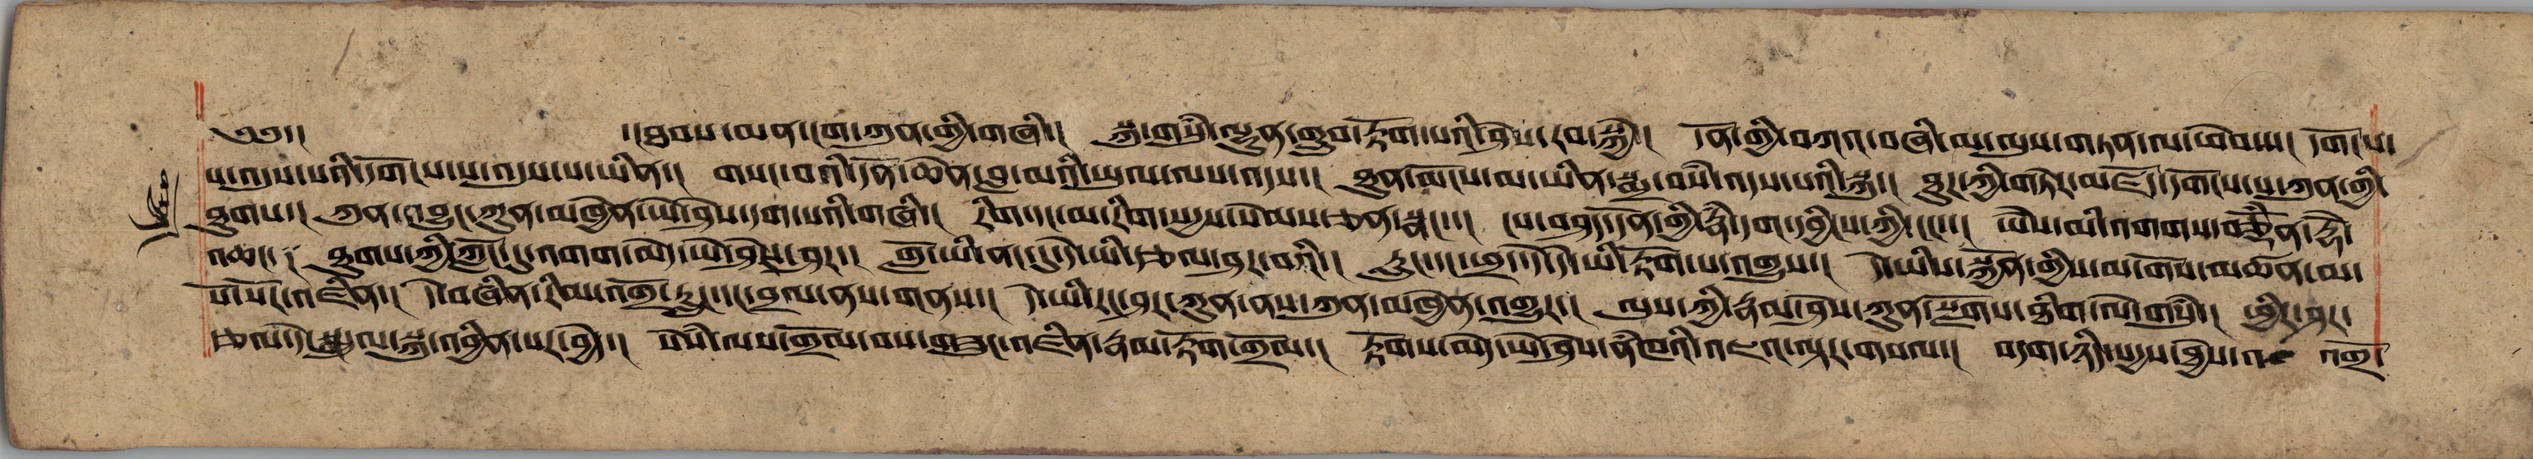༄༅་། ་།ཐབས་མན་ངག་ཀུན་གྱི་གཞི་། སྐུ་གསུཾ་ལྷུན་གྲུབ་རྟོག་པའི་ཤེས་རབ་སྐྱེ་། དོན་གྱི་བཀའ་བཞི་མ་ལུས་གཏན་ལ་ཕེབས། དགོངས་
པ་འདུས་པའི་དགོངས་པ་འདུས་པ་ཡིན་། གསང་བའི་དོན་ཆེན་བླ་མའི་ཡུལ་ལས་འདས་། ཐུན་མོངས་མ་ཡིན་སྨྲ་བསཾ་འདས་པའི་སྐུ་། ཐུཌ་ཀྱི་གཏེར་མཛོད་དགོངས་པ་ཀུན་གྱི་
ཐུགས་། ཀུན་འབྱུང་ཀུན་མཁྱེན་ཡེ་ཤེས་དག་པའི་གཞི་། རིག་དང་མ་རིག་སདྱས་སེམས་ཅན་སྣང་་། ངས་བཤད་དོན་གྱི་རྣཾ་དག་དབྱིངས་ཀྱི་ངང་་། ཡཻས་མི་འགགས་བཅྡོཾན་རྡོེ་
འཆང་༑ ཐུགས་ཀྱི་ཀློང་དུ་འགག་མེད་ཡེ་ཤེས་ཤར་། གློ་ཡི་ནང་དུ་དེ་ཡི་རྩལ་ཤར་བའི་། རླུང་དང་ཕྲད་དེ་དེ་ཡི་རྟོག་པ་འགྱུས་། དེ་ཡིས་སྐྱོན་གྱིས་མ་གོས་མཚན་མ་
སོ་སོར་འཛིན་། དེ་བཞིན་རིམ་འགྲོ་རླུང་དང་བྲལ་ནས་གནས་། དེ་ཡི་རང་ཤར་ཀུན་ནས་ཀུན་མཁྱེན་འགྱུར་། ལུས་ཀྱི་རྣམ་ཤེས་ཀུན་སྫོགས་ཐིག་ལེ་གསུཾ་། ཕྱིར་ཤར་
རྩལ་དེ་སྤྲུལ་སྐུ་འབྱིན་པར་བྱེད་། སེཾས་ལས་གྲོལ་བས་གཟུང་འཛིན་རྣམ་རྟོག་གྲོལ་། རྟོགས་མེད་ཡེ་ཤེས་ནཾཁའི་འཇའ་ལྟར་གསལ་། བདག་ཉིད་སདྱས་ཐྱེས་འ འགྲོ་